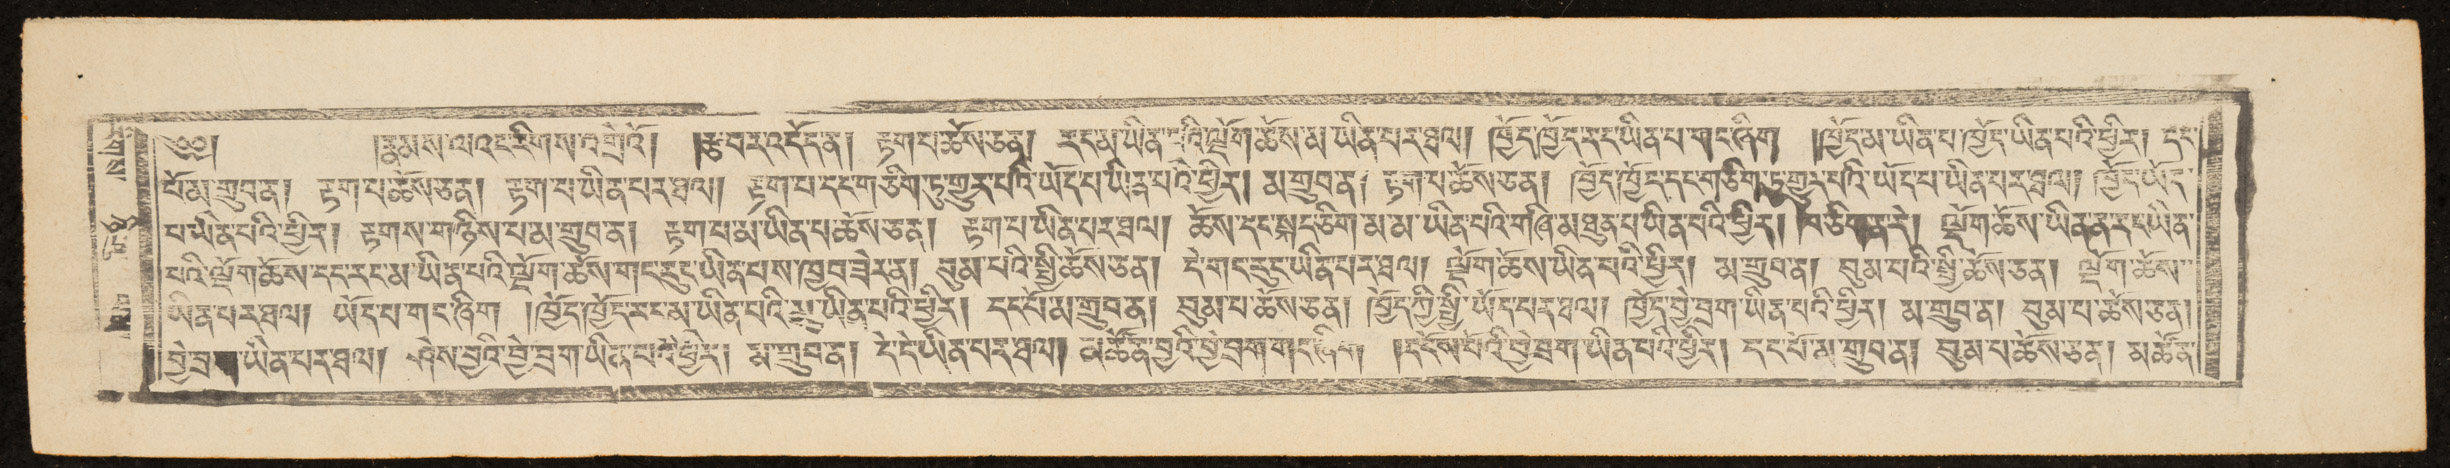༄༅། །རྣམས་ལའང་རིགས་འགྲེའོ། །རྩ་བར་འདོད་ན། རྟག་པ་ཆོས་ཅན། རང་མ་ཡིན་པའི་ལྡོག་ཆོས་མ་ཡིན་པར་ཐལ། ཁྱོད་ཁྱོད་རང་ཡིན་པ་གང་ཞིག། །ཁྱོད་མ་ཡིན་པ་ཁྱོད་ཡིན་པའི་ཕྱིར། དང་
པོ་མ་གྲུབ་ན། རྟག་པ་ཆོས་ཅན། རྟག་པ་ཡིན་པར་ཐལ། རྟག་པ་དང་གཅིག་ཏུ་གྱུར་པའི་ཡོད་པ་ཡིན་པའི་ཕྱིར། མ་གྲུབ་ན། རྟག་པ་ཆོས་ཅན། ཁྱོད་ཁྱོད་དང་གཅིག་ཏུ་གྱུར་པའི་ཡོད་པ་ཡིན་པར་ཐལ། ཁྱོད་ཡོད་
པ་ཡིན་པའི་ཕྱིར། རྟགས་གཉིས་པ་མ་གྲུབ་ན། རྟག་པ་མ་ཡིན་པ་ཆོས་ཅན། རྟག་པ་ཡིན་པར་ཐལ། ཆོས་དང་སྐད་ཅིག་མ་མ་ཡིན་པའི་གཞི་མཐུན་པ་ཡིན་པའི་ཕྱིར། ཁ་ཅིག་ན་རེ། ལྡོག་ཆོས་ཡིན་ན་རང་ཡིན་
པའི་ལྡོག་ཆོས་དང་རང་མ་ཡིན་པའི་ལྡོག་ཆོས་གང་རུང་ཡིན་པས་ཁྱབ་ཟེར་ན། བུམ་པའི་སྤྱི་ཆོས་ཅན། དེ་གང་རུང་ཡིན་པར་ཐལ། ལྡོག་ཆོས་ཡིན་པའི་ཕྱིར། མ་གྲུབ་ན། བུམ་པའི་སྤྱི་ཆོས་ཅན། ལྡོག་ཆོས་
ཡིན་པར་ཐལ། ཡོད་པ་གང་ཞིག། ཁྱོད་ཁྱོད་རང་མ་ཡིན་པའི་མུ་ཡིན་པའི་ཕྱིར། དང་པོ་མ་གྲུབ་ན། བུམ་པ་ཆོས་ཅན། ཁྱོད་ཀྱི་སྤྱི་ཡོད་པར་ཐལ། ཁྱོད་བྱེ་བྲག་ཡིན་པའི་ཕྱིར། མ་གྲུབ་ན། བུམ་པ་ཆོས་ཅན།
བྱེ་བྲག་ཡིན་པར་ཐལ། ཤེས་བྱའི་བྱེ་བྲག་ཡིན་པའི་ཕྱིར། མ་གྲུབ་ན། དེ་དེ་ཡིན་པར་ཐལ། མཚོན་བྱའི་བྱེ་བྲག་གང་ཞིག། །དངོས་པོའི་བྱེ་བྲག་ཡིན་པའི་ཕྱིར། དང་པོ་མ་གྲུབ་ན། བུམ་པ་ཆོས་ཅན། མཚོན་